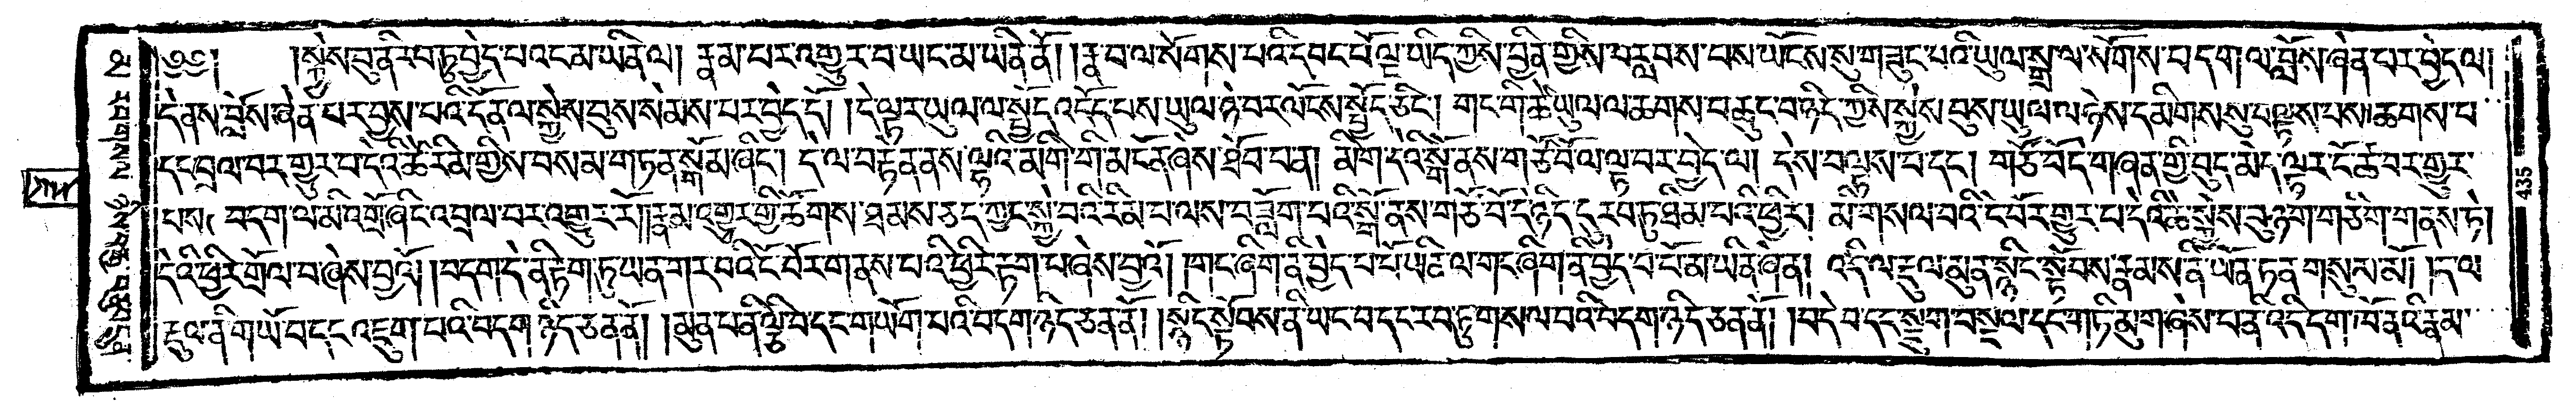༄༅། །སྐྱེས་བུ་ནི་རབ་ཏུ་བྱེད་པའང་མ་ཡིན་ལ། རྣམ་པར་འགྱུར་བ་ཡང་མ་ཡིན་ནོ། །རྣ་བ་ལ་སོགས་པའི་དབང་པོ་ལྔ་ཡིད་ཀྱིས་བྱིན་གྱིས་བརླབས་པས་ཡོངས་སུ་གཟུང་བའི་ཡུལ་སྒྲ་ལ་སོགས་པ་དག་ལ་བློས་ཞེན་པར་བྱེད་ལ།
དེ་ནས་བློས་ཞེན་པར་བྱས་པའི་དོན་ལ་སྐྱེས་བུས་སེམས་པར་བྱེད་དོ། །དེ་ལྟར་ཡུལ་ལ་སྤྱོད་འདོད་པས་ཡུལ་ཉེ་བར་ལོངས་སྤྱོད་ཅིང་། གང་གི་ཚེ་ཡུལ་ལ་ཆགས་པ་ཆུང་བ་ཉིད་ཀྱིས་སྐྱེས་བུས་ཡུལ་ལ་ཉེས་དམིགས་སུ་བལྟས་པས། ཆགས་པ་
དང་བྲལ་བར་གྱུར་པ་དེའི་ཚེ་རིམ་གྱིས་བསམ་གཏན་སྒོམ་ཞིང་། དེ་ལ་བརྟེན་ནས་ལྷའི་མིག་གི་མངོན་ཞེས་ཐོབ་པ་ན། མིག་དེའི་སྒོ་ནས་གཙོ་བོ་ལ་ལྟ་བར་བྱེད་ལ། དེས་བལྟས་པ་དང་། གཙོ་བོ་དེ་གཞན་གྱི་བུད་མེད་ལྟར་ངོ་ཚ་བར་གྱུར་
པས༑ བདག་ལ་མི་འགྲོ་ཞིང་འབྲལ་བར་འགྱུར་རོ། །རྣམ་འགྱུར་གྱི་ཚོགས་ཐམས་ཅད་ཀྱང་སྐྱེ་བའི་རིམ་པ་ལས་བཟློག་པའི་སྒོ་ནས་གཙོ་བོ་དེ་ཉིད་དུ་རབ་ཏུ་ཐིམ་པའི་ཕྱིར། མི་གསལ་བའི་ངོ་བོར་གྱུར་པ་དེའི་ཚེ་སྐྱེས་བུ་ཉག་གཅིག་གནས་ཏེ།
དེའི་ཕྱིར་གྲོལ་བ་ཞེས་བྱའོ། །བདག་དེ་ནི་རྟག་ཏུ་ཡན་གར་བའི་ངོ་བོར་གནས་པའི་ཕྱིར་རྟག་པ་ཞེས་བྱའོ། །གང་ཞིག་ནི་བྱེད་པ་པོ་ཡིན་ལ་གང་ཞིག་ནི་བྱེད་པ་པོ་མ་ཡིན་ཞེ་ན། འདི་ལ་རྡུལ་མུན་སྙིང་སྟོབས་རྣམས་ནི་ཡོན་ཏན་གསུམ་མོ། །དེ་ལ་
རྡུལ་ནི་གཡོ་བ་དང་འཇུག་པའི་བདག་ཉིད་ཅན་ནོ། །མུན་པ་ནི་ལྕི་བ་དང་གཡོག་པའི་བདག་ཉིད་ཅན་ནོ། །སྙིང་སྟོབས་ནི་ཡང་བ་དང་རབ་ཏུ་གསལ་བའི་བདག་ཉིད་ཅན་ནོ། །བདེ་བ་དང་སྡུག་བསྔལ་དང་གཏི་མུག་ཞེས་པ་ནི་འདི་དག་ཁོ་ནའི་རྣམ་